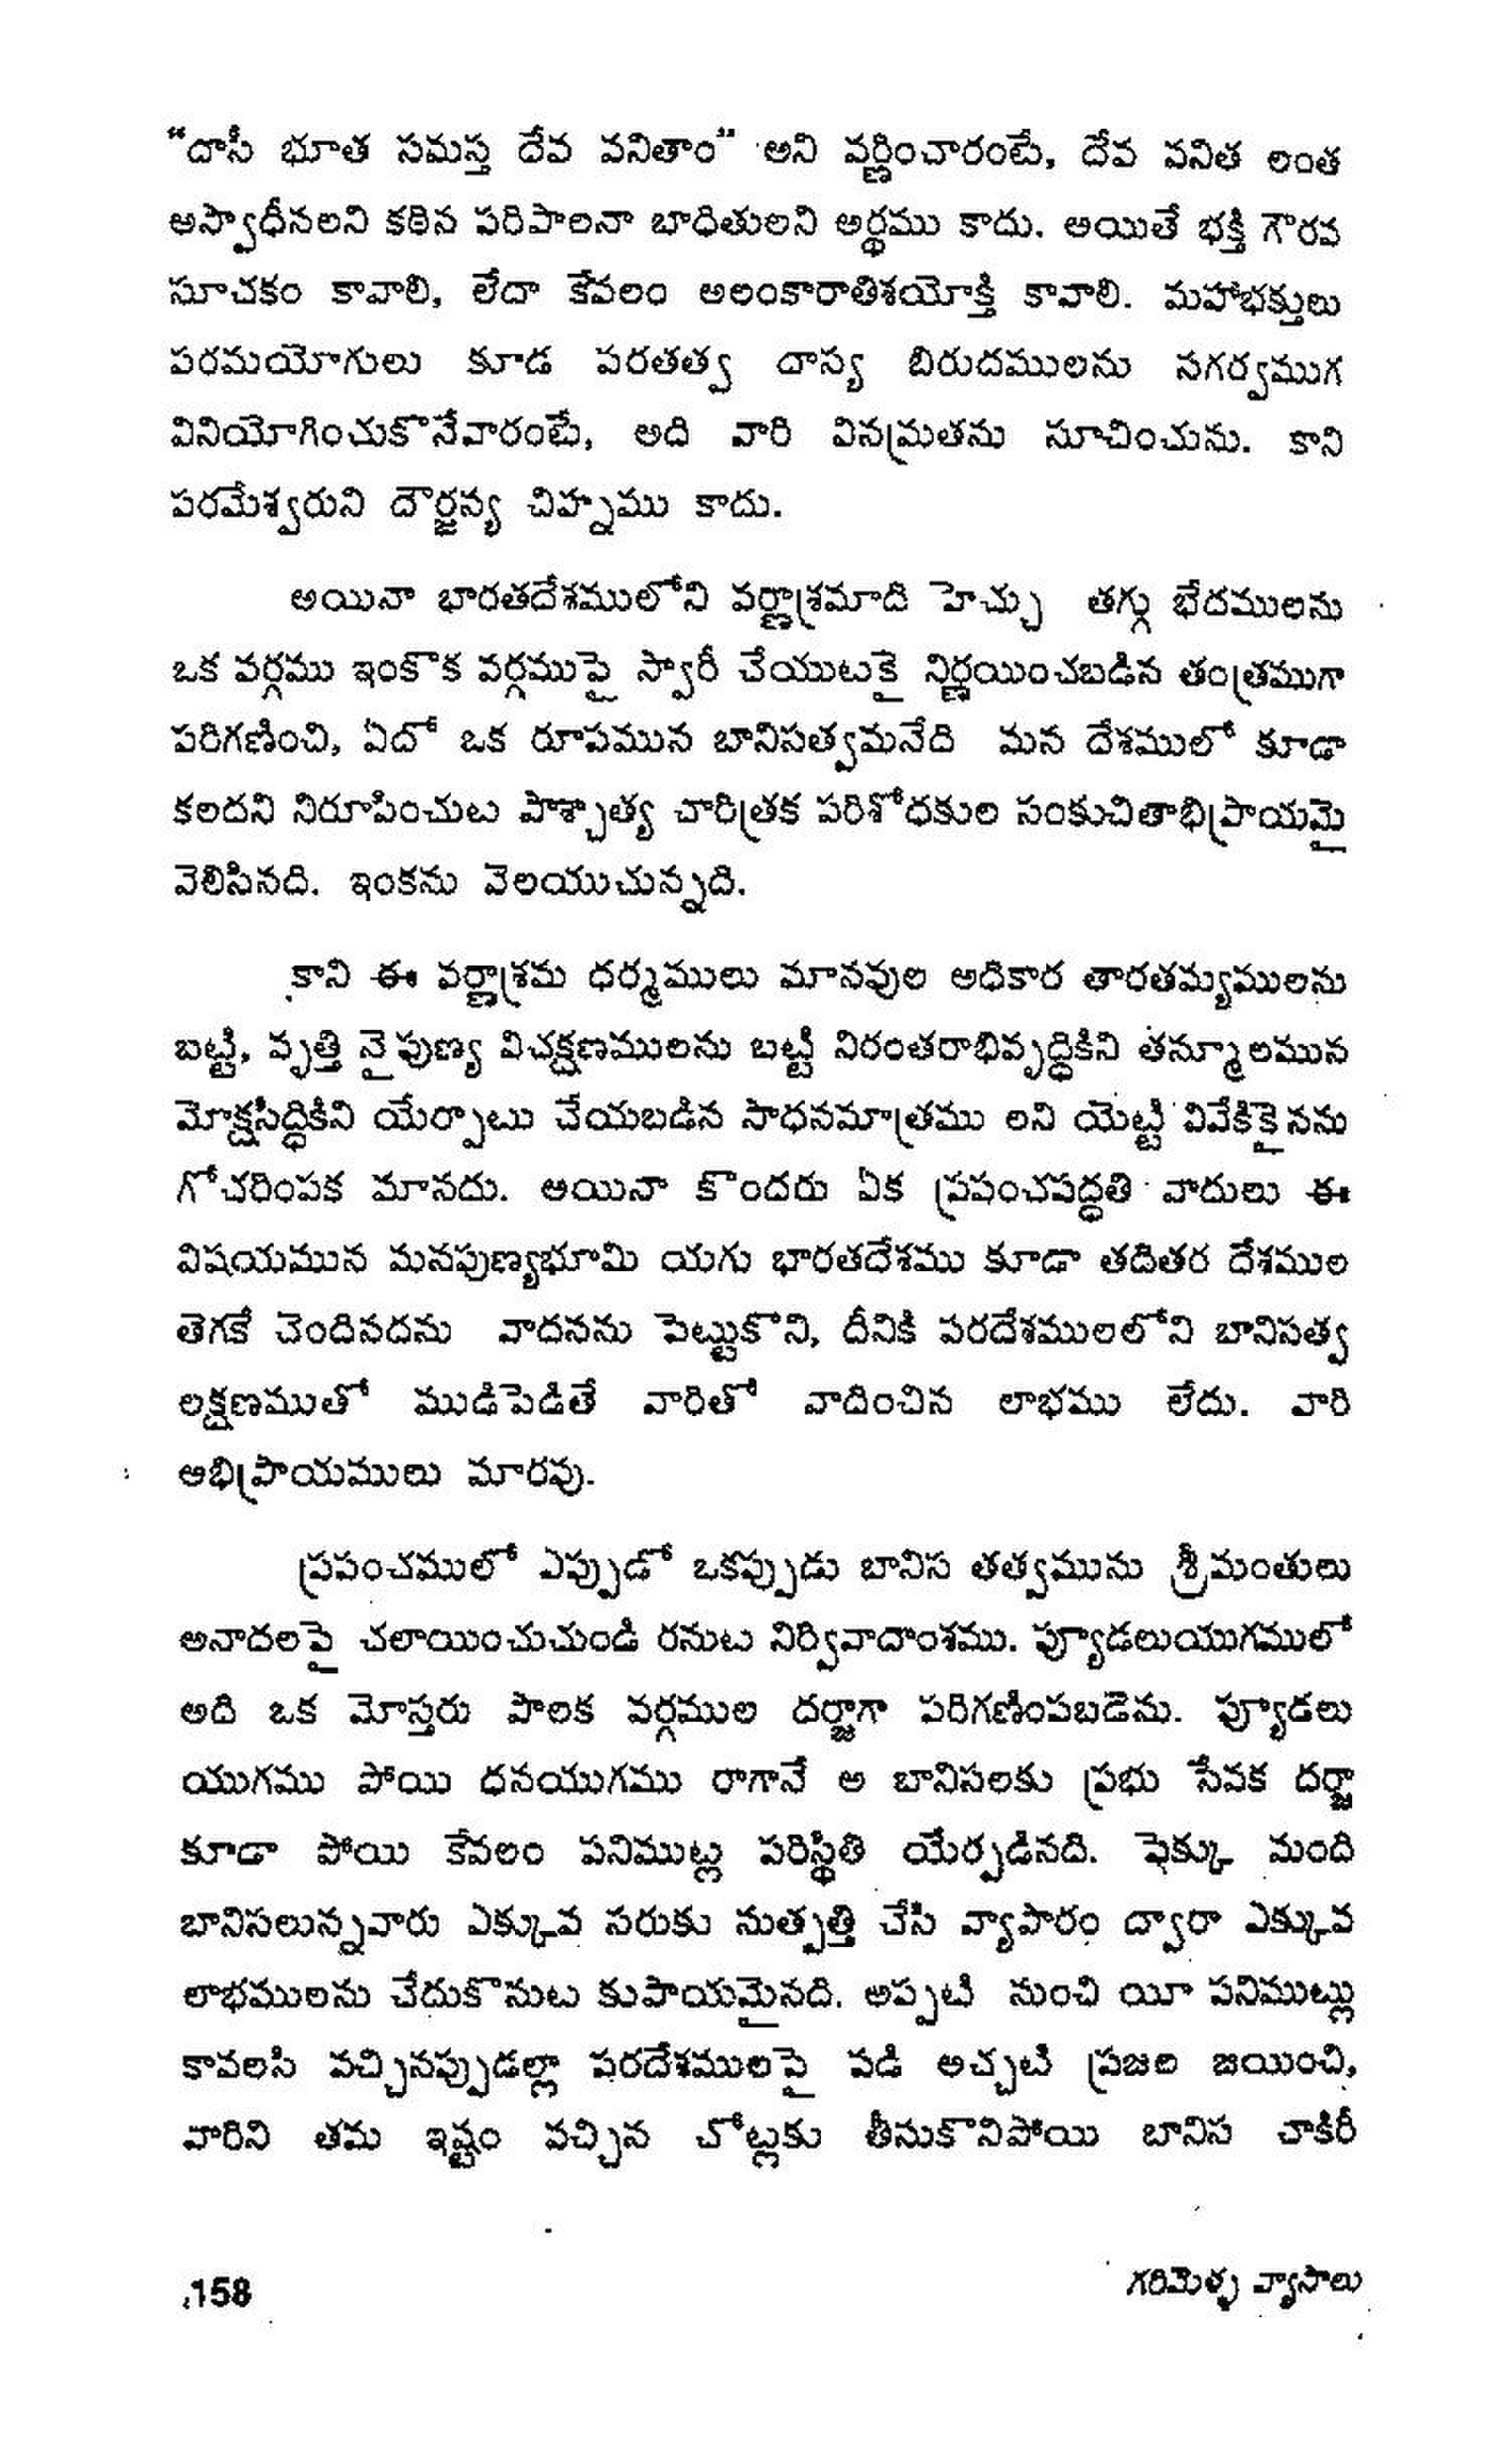"దాసీ భూత సమస్త దేవ వనితాం" అని వర్ణించారంటే, దేవ వనిత లంత అస్వాధీనలని కఠిన పరిపాలనా బాధితులని అర్థము కాదు. అయితే భక్తి గౌరవ సూచకం కావాలి, లేదా కేవలం అలంకారాతిశయోక్తి కావాలి. మహాభక్తులు పరమయోగులు కూడ పరతత్వ దాస్య బిరుదములను సగర్వముగ వినియోగించుకొనేవారంటే, అది వారి వినమ్రతను సూచించును. కాని పరమేశ్వరుని దౌర్జన్య చిహ్నము కాదు.

అయినా భారతదేశములోని వర్ణాశ్రమాది హెచ్చు తగ్గు భేదములను ఒక వర్గము ఇంకొక వర్గముపై స్వారీ చేయుటకై నిర్ణయించబడిన తంత్రముగా పరిగణించి, ఏదో ఒక రూపమున బానిసత్వమనేది మన దేశములో కూడా కలదని నిరూపించుట పాశ్చాత్య చారిత్రక పరిశోధకుల సంకుచితాభిప్రాయమై వెలిసినది. ఇంకను వెలయుచున్నది.

కాని ఈ వర్ణాశ్రమ ధర్మములు మానవుల అధికార తారతమ్యములను బట్టి, వృత్తి నైపుణ్య విచక్షణములను బట్టి నిరంతరాభివృద్ధికిని తన్మూలమున మోక్షసిద్ధికిని యేర్పాటు చేయబడిన సాధనమాత్రము అని యెట్టి వివేకికైనను గోచరింపక మానదు. అయినా కొందరు ఏక ప్రపంచపద్ధతి వాదులు ఈ విషయమున మనపుణ్యభూమి యగు భారతదేశము కూడా తదితర దేశముల తెగకే చెందినదను వాదనను పెట్టుకొని, దీనికి పరదేశములలోని బానిసత్వ లక్షణముతో ముడిపెడితే వారితో వాదించిన లాభము లేదు. వారి అభిప్రాయములు మారవు.

ప్రపంచములో ఎప్పుడో ఒకప్పుడు బానిస తత్వమును శ్రీమంతులు అనాదలపై చలాయించుచుండి రనుట నిర్వివాదాంశము. ప్యూడలుయుగములొ అది ఒక మోస్తరు పాలక వర్గముల దర్జాగా పరిగణింపబడెను. ప్యూడలు యుగము పోయి ధనయుగము రాగానే అ బానిసలకు ప్రభు సేవక దర్జాకూడా పోయి కేవలం పనిముట్ల పరిస్థితి యేర్పడినది. పెక్కు మంది బానిసలున్నవారు ఎక్కువ సరుకు నుత్పత్తి చేసి వ్యాపారం ద్వారా ఎక్కువ లాభములను చేదుకొనుట కుపాయమైనది. అప్పటి నుంచి యీ పనిముట్లు కావలసి వచ్చినప్పుడల్లా పరదేశములపై పడి అచ్చటి ప్రజల జయించి, వారిని తమ ఇష్టం వచ్చిన చోట్లకు తీసుకొనిపోయి బానిస చాకిరీ